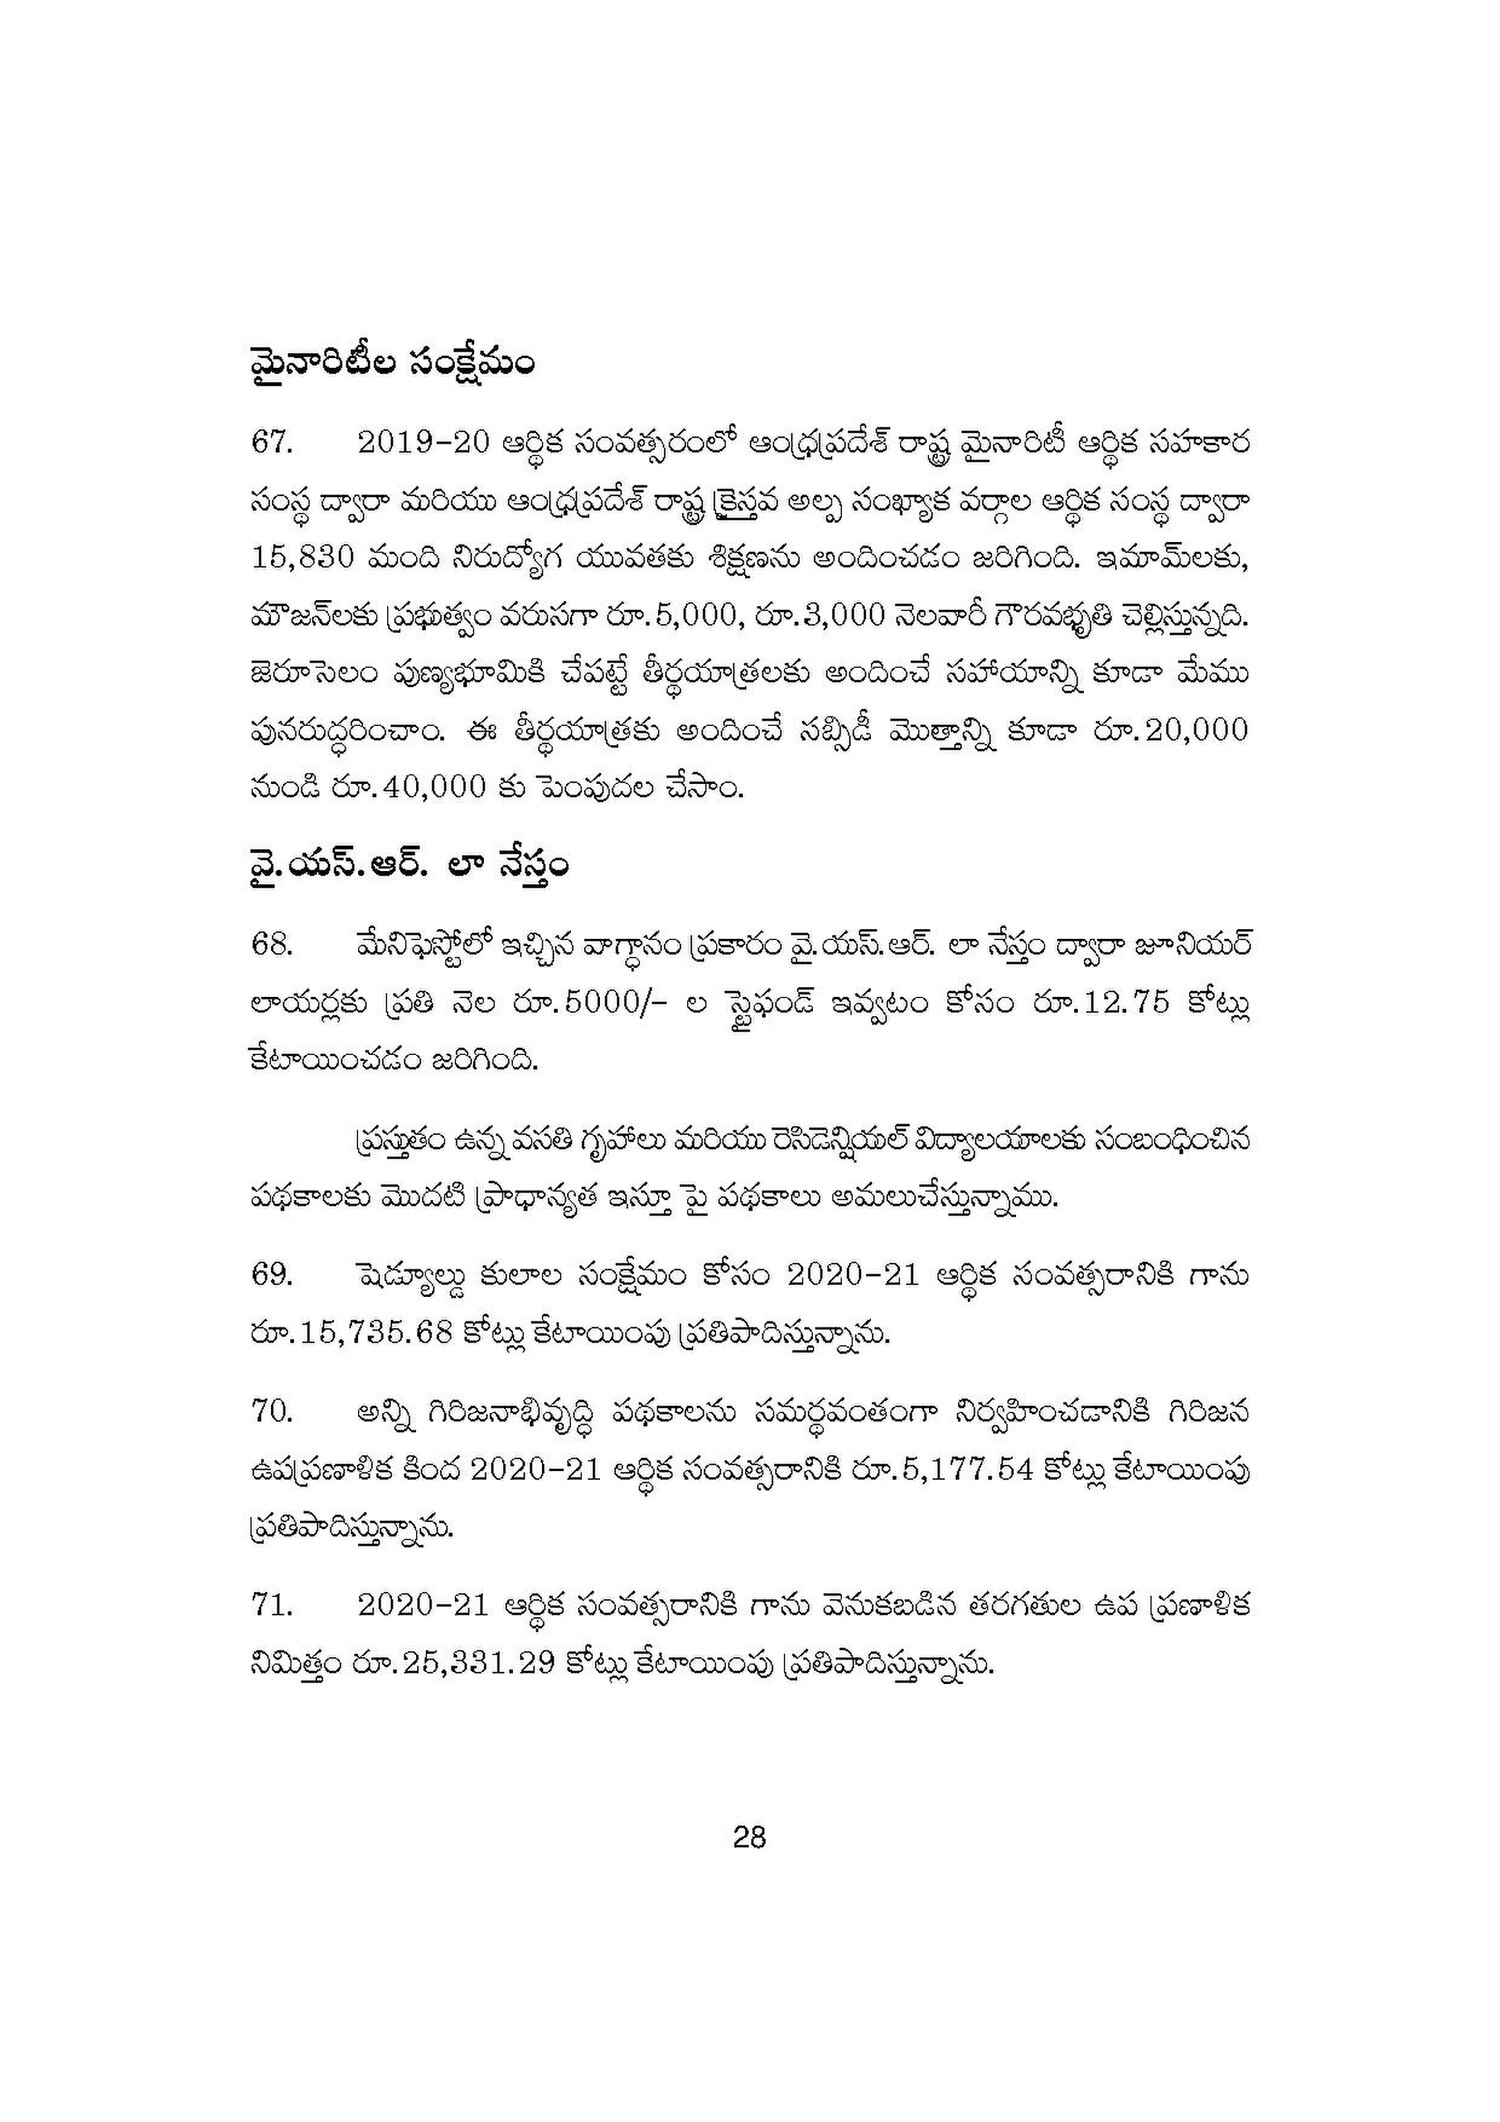మైనారిటీల సంక్షేమం 

67. 2019-20 ఆర్థిక సంవత్సరంలో ఆంధ్రప్రదేశ్ రాష్ట్ర మైనారిటీ ఆర్థిక సహకార సంస్థ ద్వారా మరియు ఆంధ్రప్రదేశ్ రాష్ట్ర క్రైస్తవ అల్ప సంఖ్యాక వర్గాల ఆర్థిక సంస్థ ద్వారా 15,830 మంది నిరుద్యోగ యువతకు శిక్షణను అందించడం జరిగింది. ఇమామ్ లకు, మౌజన్లకు ప్రభుత్వం వరుసగా రూ. 5,000, రూ.3,000 నెలవారీ గౌరవభృతి చెల్లిస్తున్నది. జెరూసెలం పుణ్యభూమికి చేపట్టే తీర్థయాత్రలకు అందించే సహాయాన్ని కూడా మేము పునరుద్ధరించాం. ఈ తీర్థయాత్రకు అందించే సబ్సిడీ మొత్తాన్ని కూడా రూ. 20,000 నుండి రూ.40,000 కు పెంపుదల చేసాం. 

వై.యస్.ఆర్. లా నేస్తం 

68. మేనిఫెస్టోలో ఇచ్చిన వాగ్దానం ప్రకారం వై.యస్.ఆర్. లా నేస్తం ద్వారా జూనియర్ లాయర్లకు ప్రతి నెల రూ. 5000/- ల స్టెఫండ్ ఇవ్వటం కోసం రూ.12.75 కోట్లు కేటాయించడం జరిగింది.

ప్రస్తుతం ఉన్న వసతి గృహాలు మరియు రెసిడెన్షియల్ విద్యాలయాలకు సంబంధించిన పథకాలకు మొదటి ప్రాధాన్యత ఇస్తూ పై పథకాలు అమలుచేస్తున్నాము. 

69. షెడ్యూల్డు కులాల సంక్షేమం కోసం 2020-21 ఆర్థిక సంవత్సరానికి గాను రూ.15,735.68 కోట్లు కేటాయింపు ప్రతిపాదిస్తున్నాను. 

70. అన్ని గిరిజనాభివృద్ధి పథకాలను సమర్థవంతంగా నిర్వహించడానికి గిరిజన ఉపప్రణాళిక కింద 2020-21 ఆర్థిక సంవత్సరానికి రూ.5,177.54 కోట్లు కేటాయింపు ప్రతిపాదిస్తున్నాను. 

71. 2020-21 ఆర్థిక సంవత్సరానికి గాను వెనుకబడిన తరగతుల ఉప ప్రణాళిక నిమిత్తం రూ.25,331.29 కోట్లు కేటాయింపు ప్రతిపాదిస్తున్నాను.